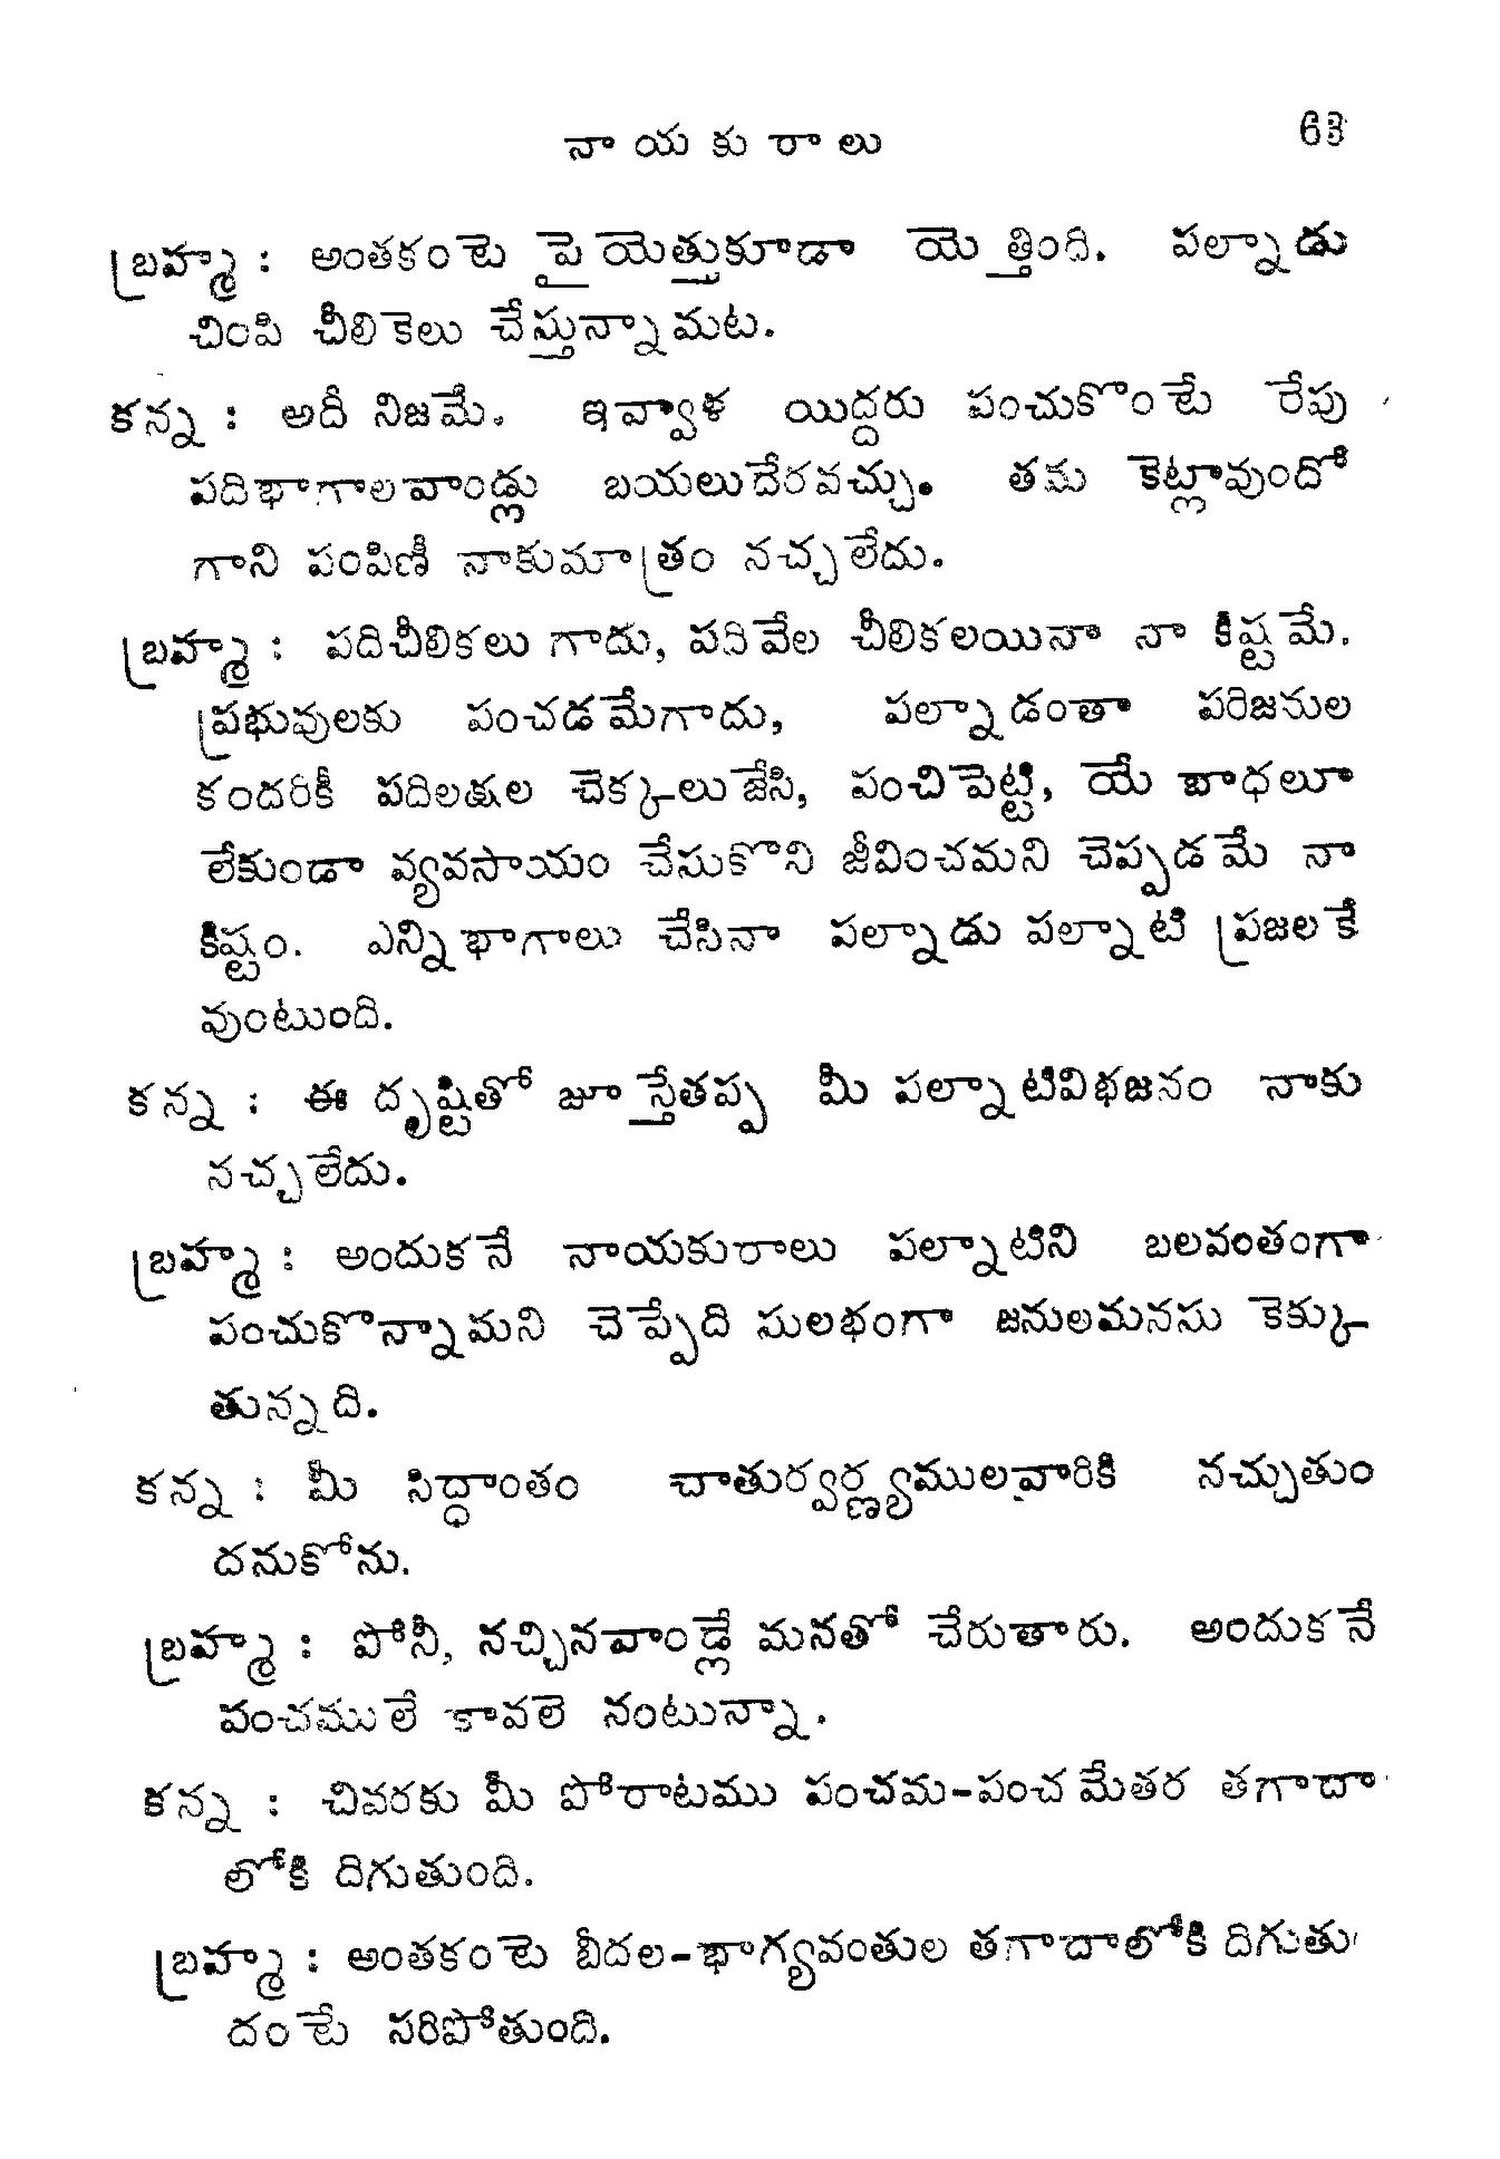బ్రహ్మ : అంతకంటె పైయెత్తుకూడా యెత్తింది. పల్నాడు చింపి చీలికెలు చేస్తున్నామట.

కన్న : అది నిజమే. ఇవ్వాళ యిద్దరు పంచుకొంటే రేపు పదిభాగాలవాండ్లు బయలుదేరవచ్చు. తమ కెట్లావుందో గాని పంపిణీ నాకుమాత్రం నచ్చలేదు.

బ్రహ్మ : పదిచీలికలు గాదు, పదివేల చీలికలయినా నా కిష్టమే. ప్రభువులకు పంచడమేగాదు,
పల్నాడంతా పరిజనుల కందరికీ పదిలక్షల చెక్కలుజేసి, పంచిపెట్టి, యే బాధలూ లేకుండా వ్యవసాయం చేసుకొని జీవించమని చెప్పడమే నా కిష్టం. ఎన్నిభాగాలు చేసినా పల్నాడు పల్నాటి ప్రజలకే వుంటుంది.

కన్న : ఈ దృష్టితో జూస్తేతప్ప మీ పల్నాటివిభజనం నాకు నచ్చలేదు.

బ్రహ్మ : అందుకనే నాయకురాలు పల్నాటిని బలవంతంగా పంచుకొన్నామని చెప్పేది సులభంగా జనులమనసు కెక్కుతున్నది.

కన్న : మీ సిద్ధాంతం చాతుర్వర్ణ్యముల వారికి నచ్చుతుందనుకోను.

బ్రహ్మ : పోనీ, నచ్చినవాండ్లే మనతో చేరుతారు. అందుకనే పంచములే కావలె నంటున్నా.

కన్న : చివరకు మీ పోరాటము పంచమ-పంచమేతర తగాదాలోకి దిగుతుంది.

బ్రహ్మ : అంతకంటె బీదల- భాగ్యవంతుల తగాదాలోకి దిగుతుదంటే సరిపోతుంది.